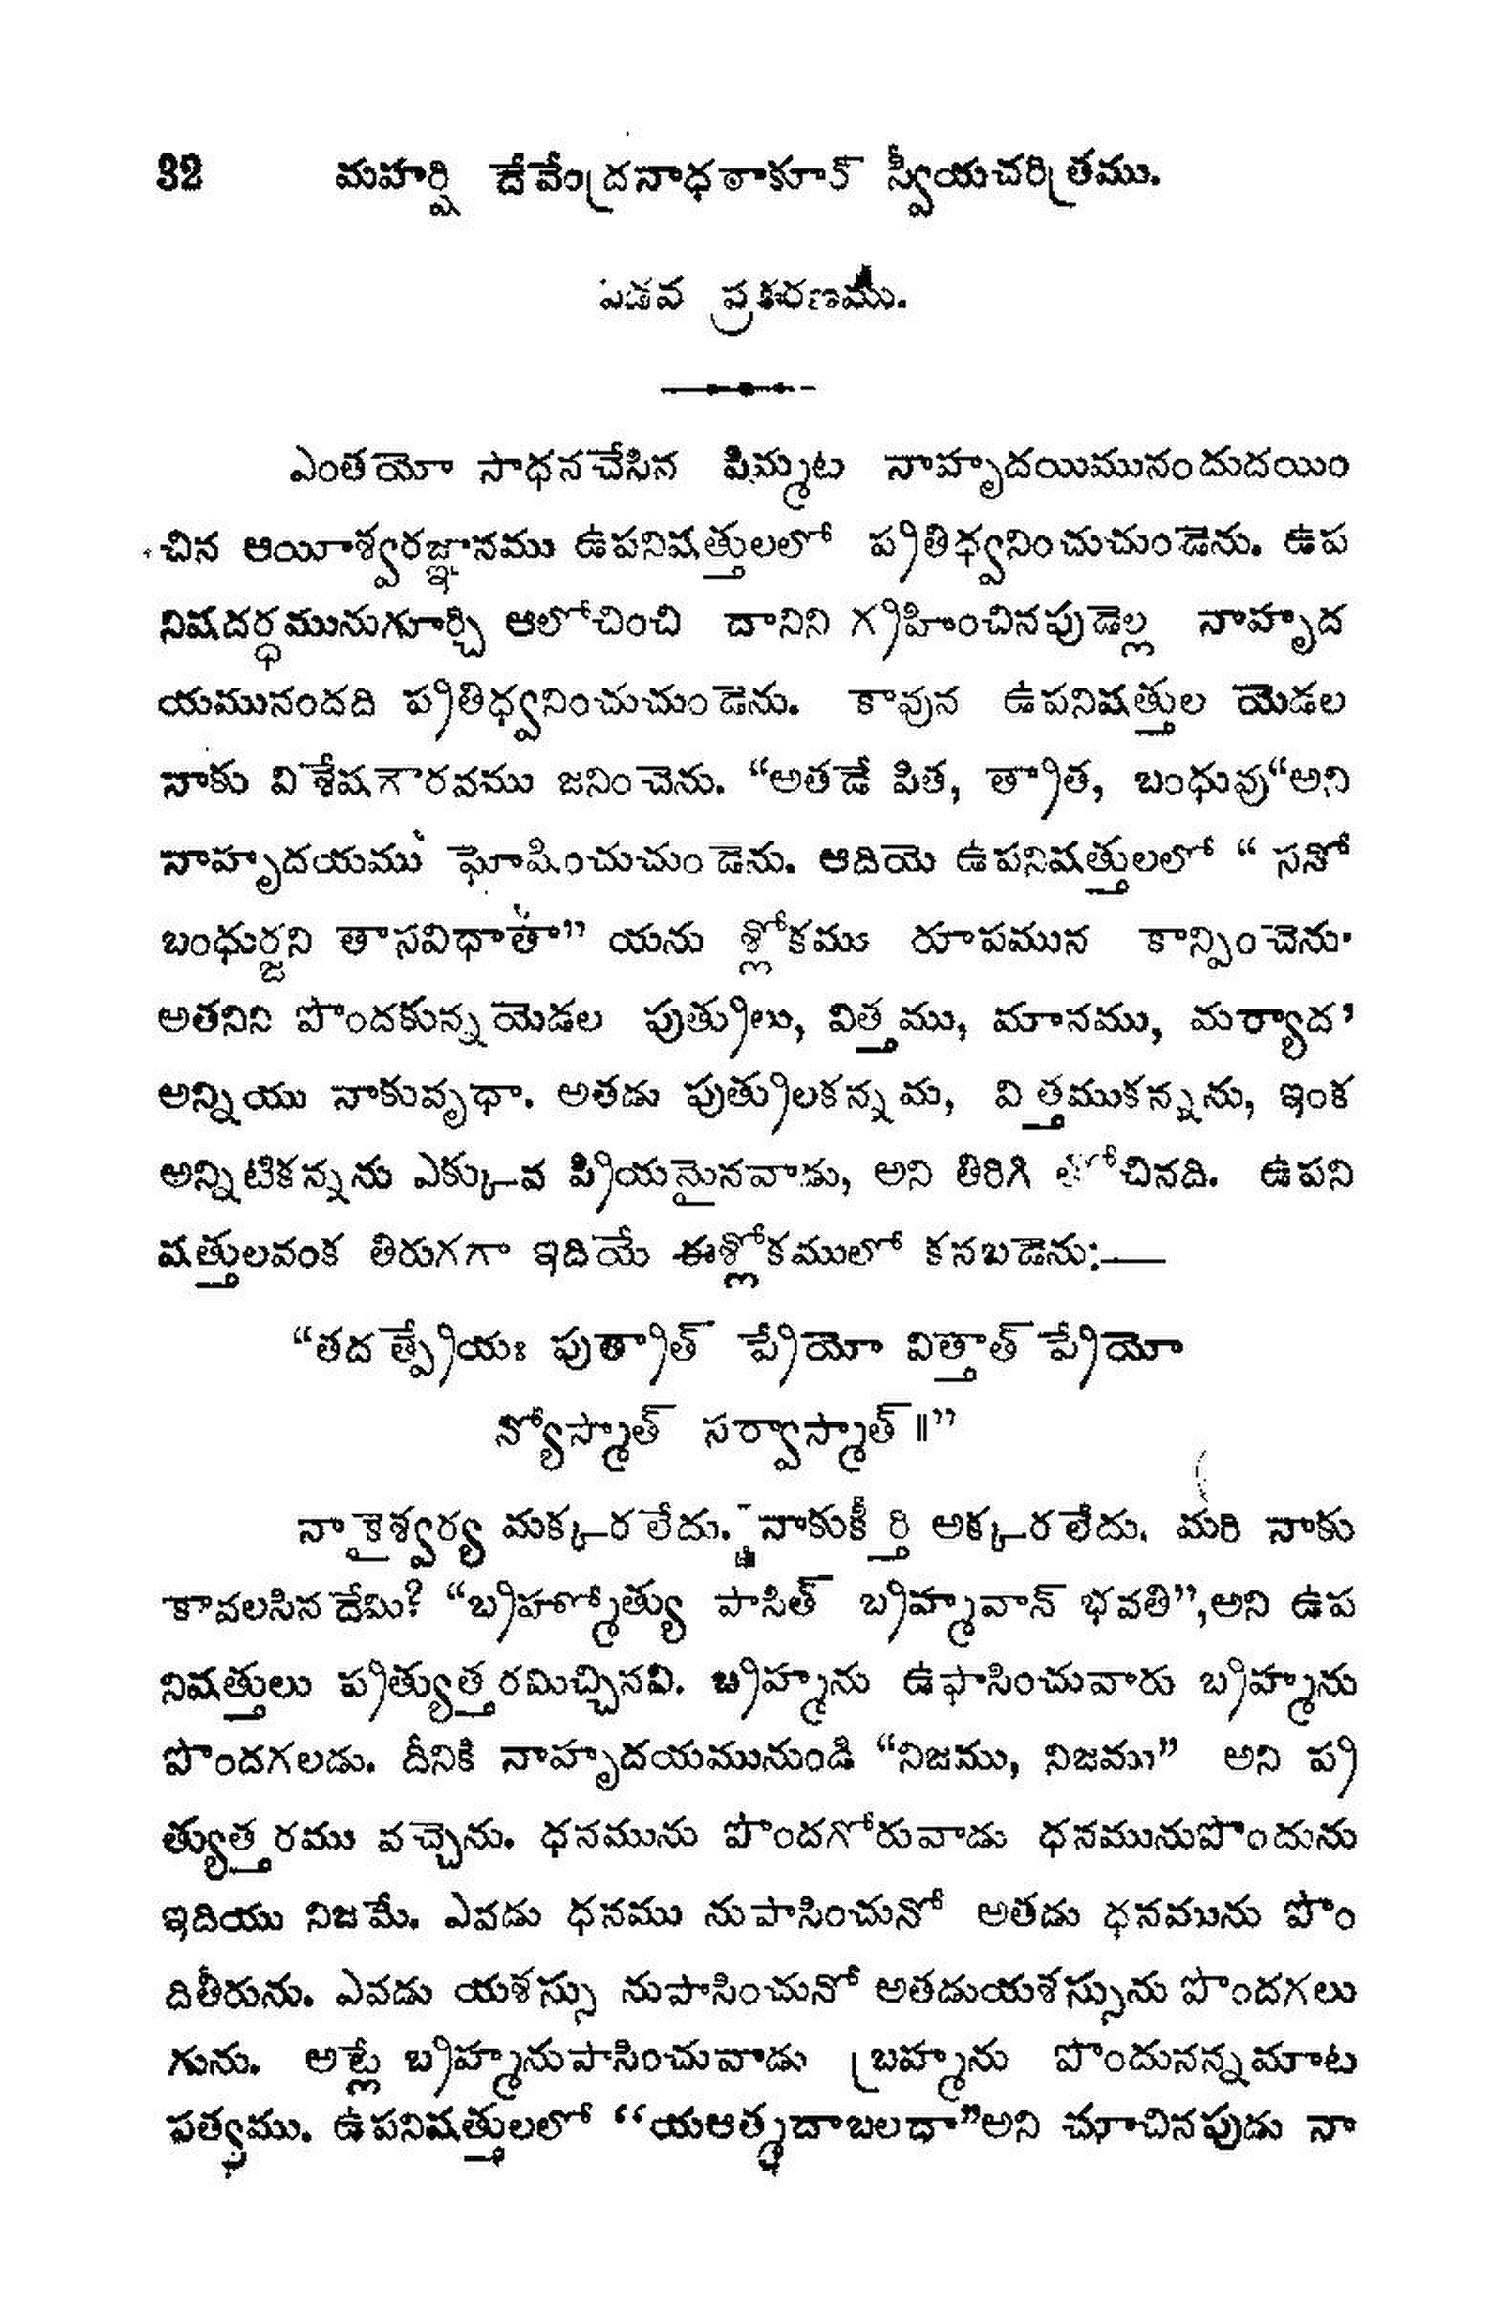ఎంతయో సాధన చేసిన పిమ్మట నాహృదయము నందుదయించిన ఆయీశ్వరజ్ఞానము ఉపనిషత్తులలో ప్రతిధ్వనించుచుండెను. ఉపనిషదర్ధ మునుగూర్చి ఆలోచించి దానిని గ్రహించినపుడెల్ల నాహృదయమునందది ప్రతిధ్వనించు చుండెను. కావున ఉపనిషత్తుల యెడల నాకు విశేష గౌరవము జనించెను. “అతడే పిత, త్రాత, బంధువు"అని
నాహృదయము ఘోషించు చుండెను. ఆదియె ఉపనిషత్తులలో " సనో
బంధుర్జని తాసవిధాతా" యను శ్లోకము రూపమున కాన్పించెను'
అతనిని పొందకున్న యెడల ఫుత్రులు, విత్తము, మానము, మర్యాద '
అన్నియు నాకువృధా. అతడు పుత్రులకన్నను, విత్తము కన్నను, ఇంక
అన్నిటి కన్నను ఎక్కువ ప్రియమైన వాడు, అని తిరిగి తోచినది. ఉపని
షత్తులవంక తిరుగగా ఇదియే ఈశ్లోకములో కనబడెను:-

“తద శ్రేయః పుత్రోత్' ప్రేయో విత్తాత్ ఎయోన్యోస్మాత్ సర్వాస్మాత్ |"

నా కైశ్వర్య మక్కర లేదు. నాకు కీర్తి అక్కర లేదు. మరి నాకు
కావలసిన దేమి? “బ్రహ్మోత్యు పాసిత్ బాహ్మవాన్ భవతి”, అని ఉప
నిషత్తులు ప్రత్యుత్తరమిచ్చినవి. బ్రహ్మను ఉపాసించువారు బ్రహ్మను
పొందగలడు. దీనికి నాహృదయము నుండి “నిజము, నిజము” అని ప్ర
త్యుత్తరము వచ్చెను.ధనమును పొందగోరు వాడు ధనమును పొందును
ఇదియు నిజమే. ఎవడు ధనము నుపాసించునో అతడు ధనమును 
పొందితీరును. ఎవడు యశస్సు నుపాసించునో అతడు యశస్సును పొందగలు
గును. అట్లే బ్రహ్మనుపాసించు వాడు బ్రహ్మను పొందునన్నమాట
సత్యము, ఉపనిషత్తులలో “యఆత్మదాబల దా"అని చూచినపుడు నా